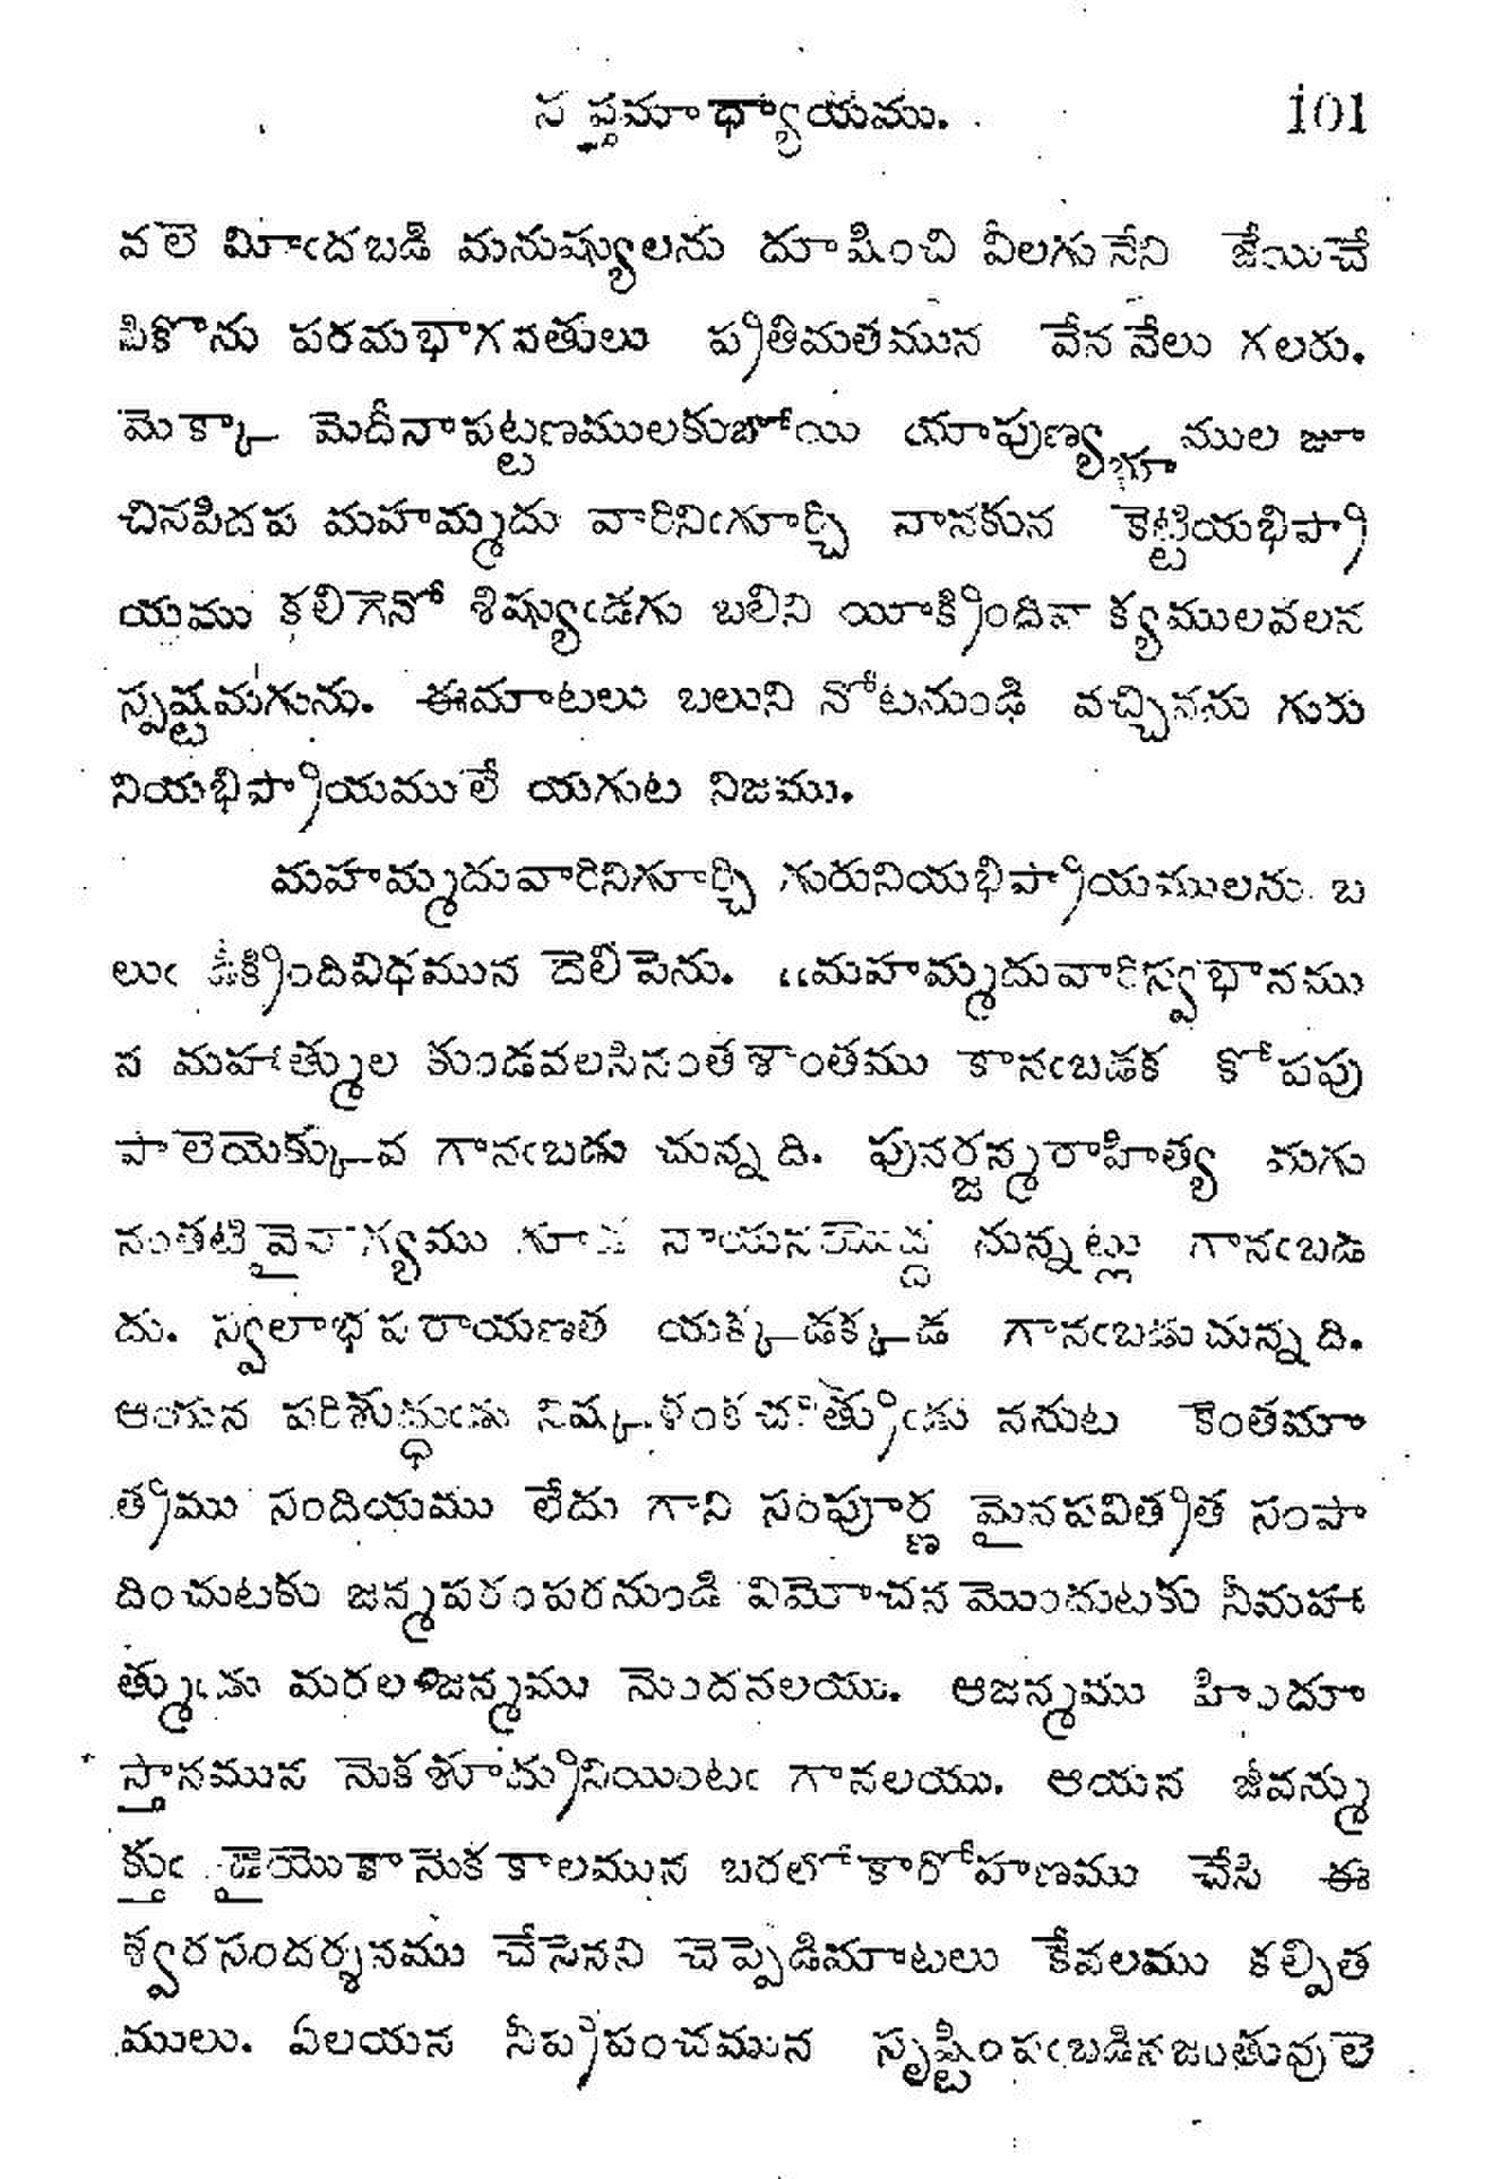వలె మీదబడి మనుష్యులను దూషించి వీలగునేని జేయిచేసికొను పరమభాగవతులు ప్రతిమతమున వేనవేలు గలరు. మెక్కా మెదీనాపట్టణములకుబోయి యాపుణ్యభూముల జూచినపిదప మహమ్మదు వారినిగూర్చి నానకున కెట్టియభిప్రాయము కలిగెనో శిష్యుడగు బలిని యీక్రిందివాక్యములవలన స్పష్టమగును. ఈమాటలు బలుని నోటనుండి వచ్చినను గురునియభిప్రాయములే యగుట నిజము.

మహమ్మదువారినిగూర్చి గురునియభిప్రాయములను బలు డీక్రిందివిధమున దెలిపెను. "మహమ్మదువారిస్వభావమున మహాత్ముల కుండవలసినంతశాంతము కానబడక కోపపు పాలెయెక్కువ గానబడు చున్నది. పునర్జన్మరాహిత్య మగునంతటివైరాగ్యము గూడ నాయనయొద్ద నున్నట్లు గానబడదు. స్వలాభపరాయణత యక్కడక్కడ గానబడుచున్నది. ఆయన పరిశుద్ధుడు నిష్కళంకచరిత్రుడు ననుట కెంతమాత్రము సందియము లేదు గాని సంపూర్ణ మైనపవిత్రత సంపాదించుటకు జన్మపరంపరనుండి విమోచనము మొందుటకు నీమహాత్ముడు మరలజన్మము నొందవలయు. ఆజన్మము హిందూస్తానమున నొకశూద్రునియింట గావలయు. ఆయన జీవన్ముక్తు డైయొకానొకకాలమున బరలోకారోహణము చేసి ఈశ్వరసందర్శనము చేసెనని చెప్పెడిమాటలు కేవలము కల్పితములు. ఏలయన నీప్రపంచమున సృష్టింపబడినజంతువులె